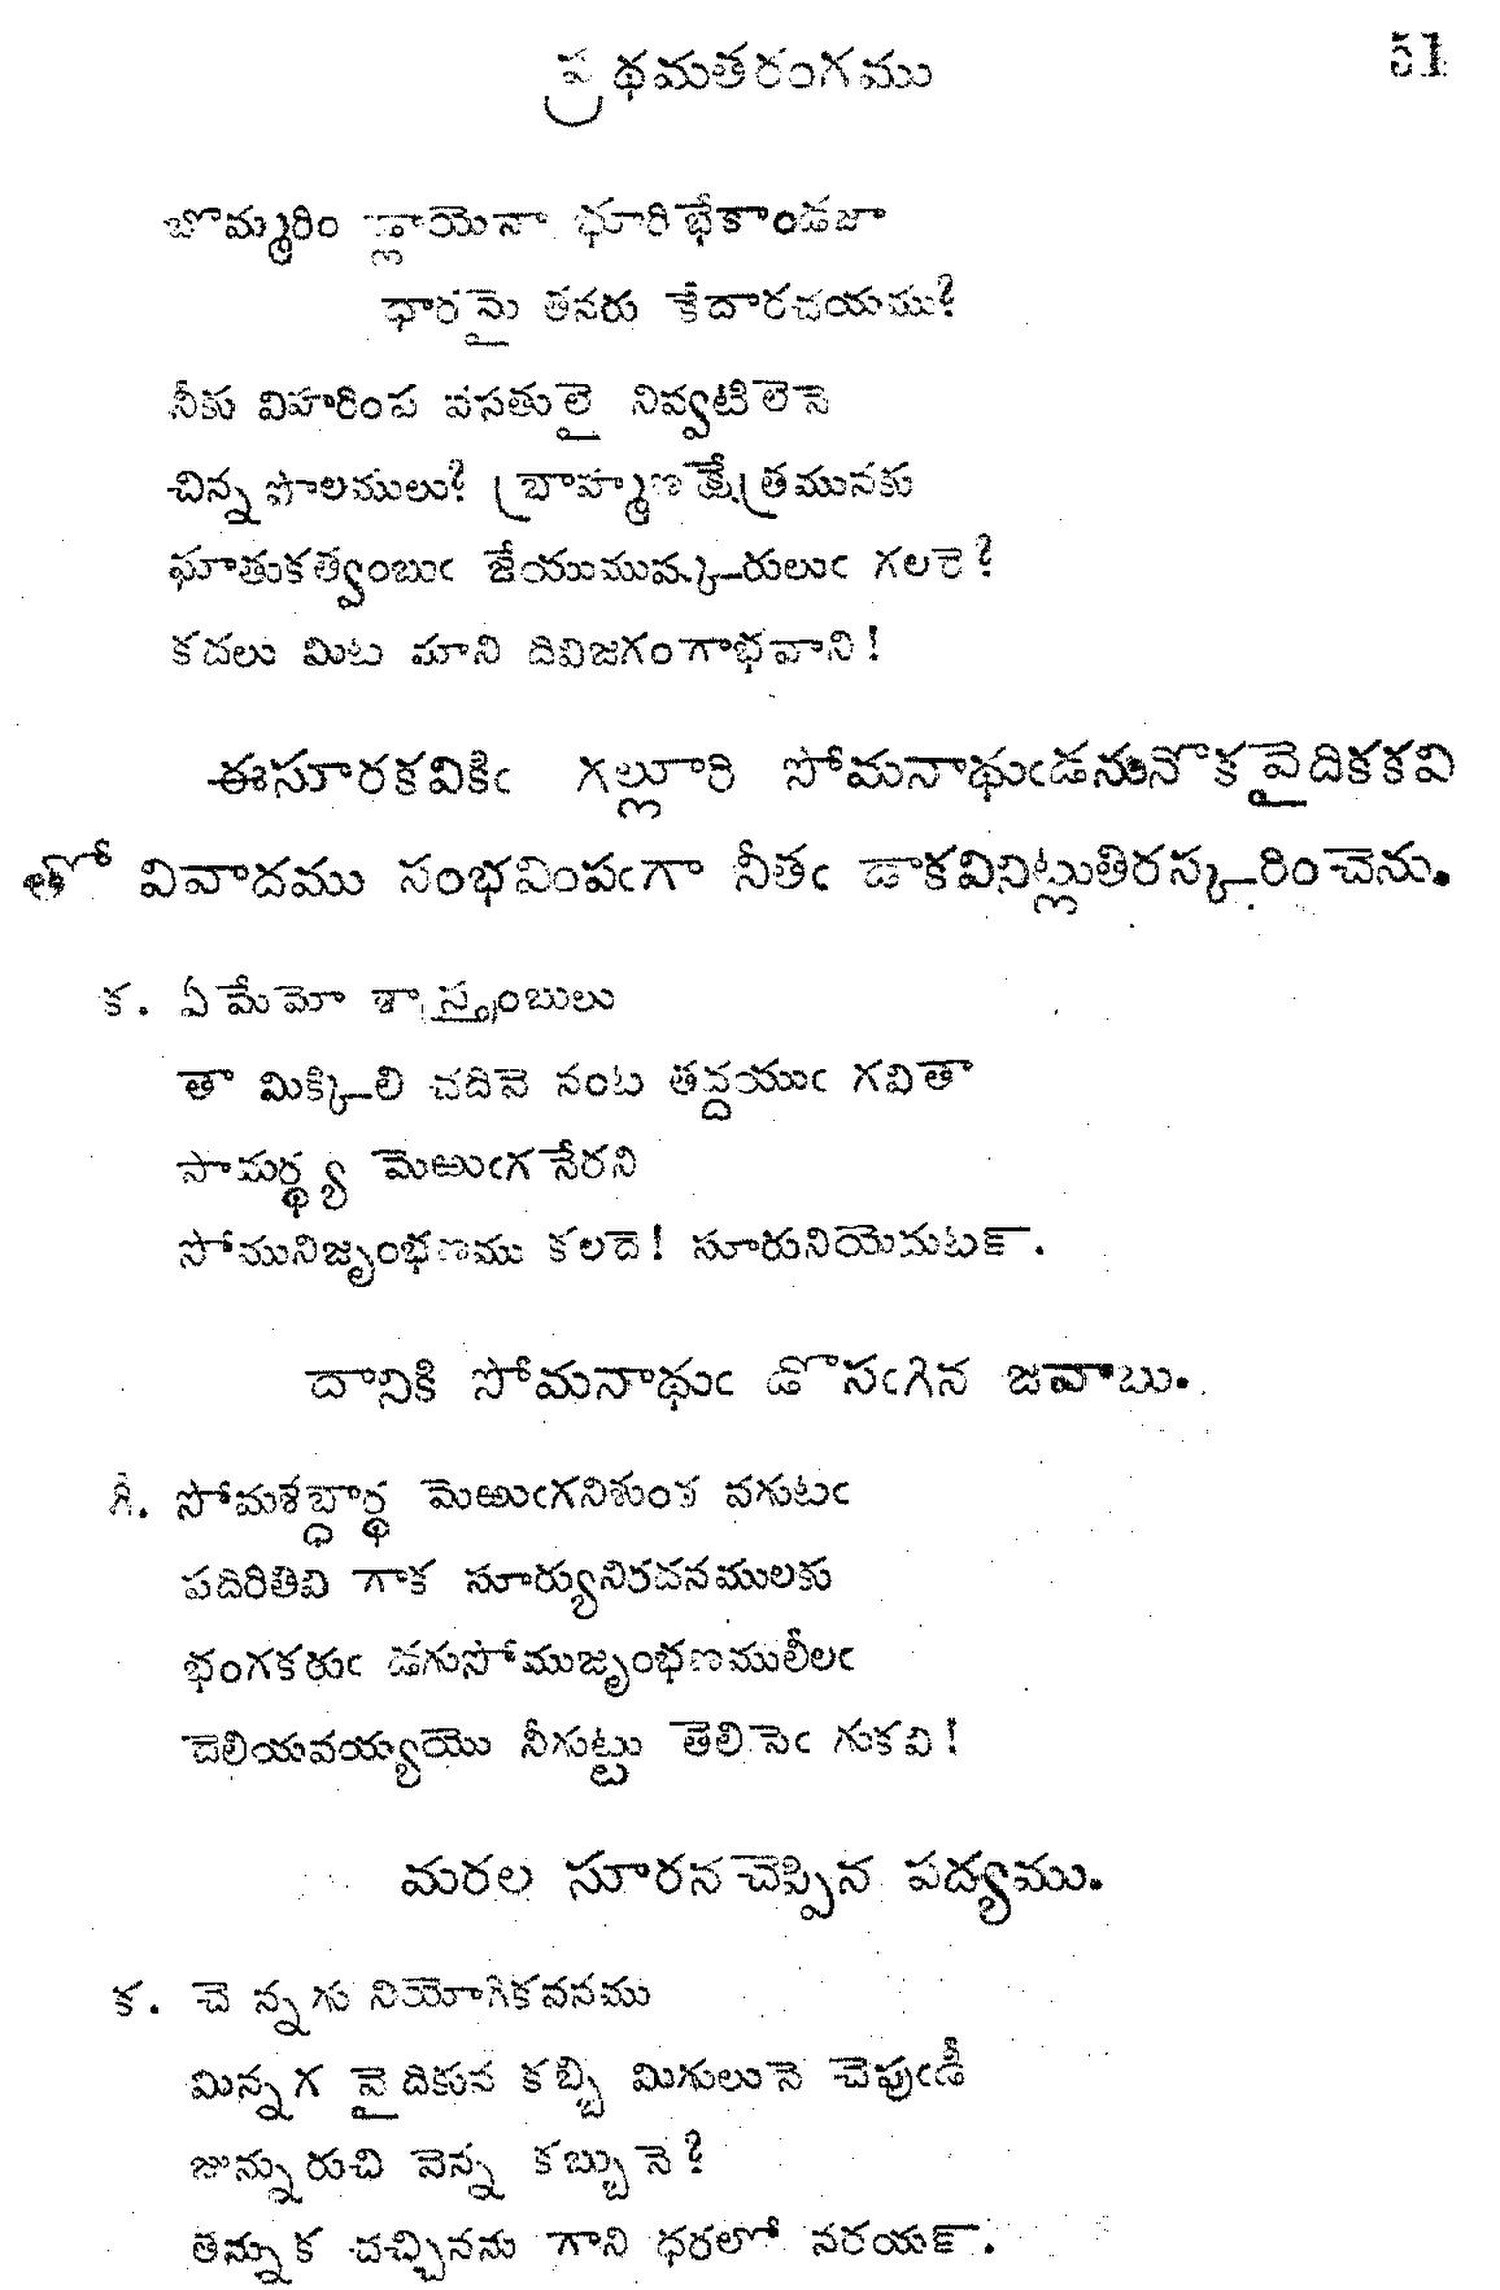బొమ్మరిం డ్లాయెనా భూరిభేకాండజా
 ధారమై తనరు కేదారచయము?
 నీకు విహరింప వసతులై నివ్వటిలెనె
 చిన్నపొలములు? బ్రాహ్మణక్షేత్రమునకు
 ఘాతుకత్వంబుఁ జేయుముష్కరులుఁ గలరె?
 కదలు మిటమాని దివిజగంగాభవాని!

ఈసూరకవికిఁ గల్లూరి సోమనాథుఁడను నొకవైదికకవితో వివాదము సంభవింపఁగా నీతఁ డాకవి నిట్లు తిరస్కరించెను.

క. ఏమోమో శాస్త్రంబులు
 తా మిక్కిలి చదివె నంట తద్దయుఁ గవితా
 సామర్థ్య మెఱుఁగనేరని
 సోమునిజృంభణము కలదె! సూరునియెదుటన్.

దానికి సోమనాథుఁ డొసఁగిన జవాబు.

గీ. సోమశబ్దార్థ మెఱుఁగనిశుంఠ వగుటఁ
 పదిరితివి గాక సూర్యునిరదనములకు
 భంగకరుఁ డగుసోముజృంభణములీలఁ
 దెలియవయ్యయొ నీగుట్టు తెలిసెఁ గుకవి!

మరల సూరన చెప్పిన పద్యము

క. చెన్నగు నియోగికవనము
 మిన్నగ వైదికున కబ్బి మిగులునె చెపుఁడీ
 జున్నురుచి వెన్న కబ్బునె?
 తన్నుక చచ్చినను గాని ధరలో నరయన్.